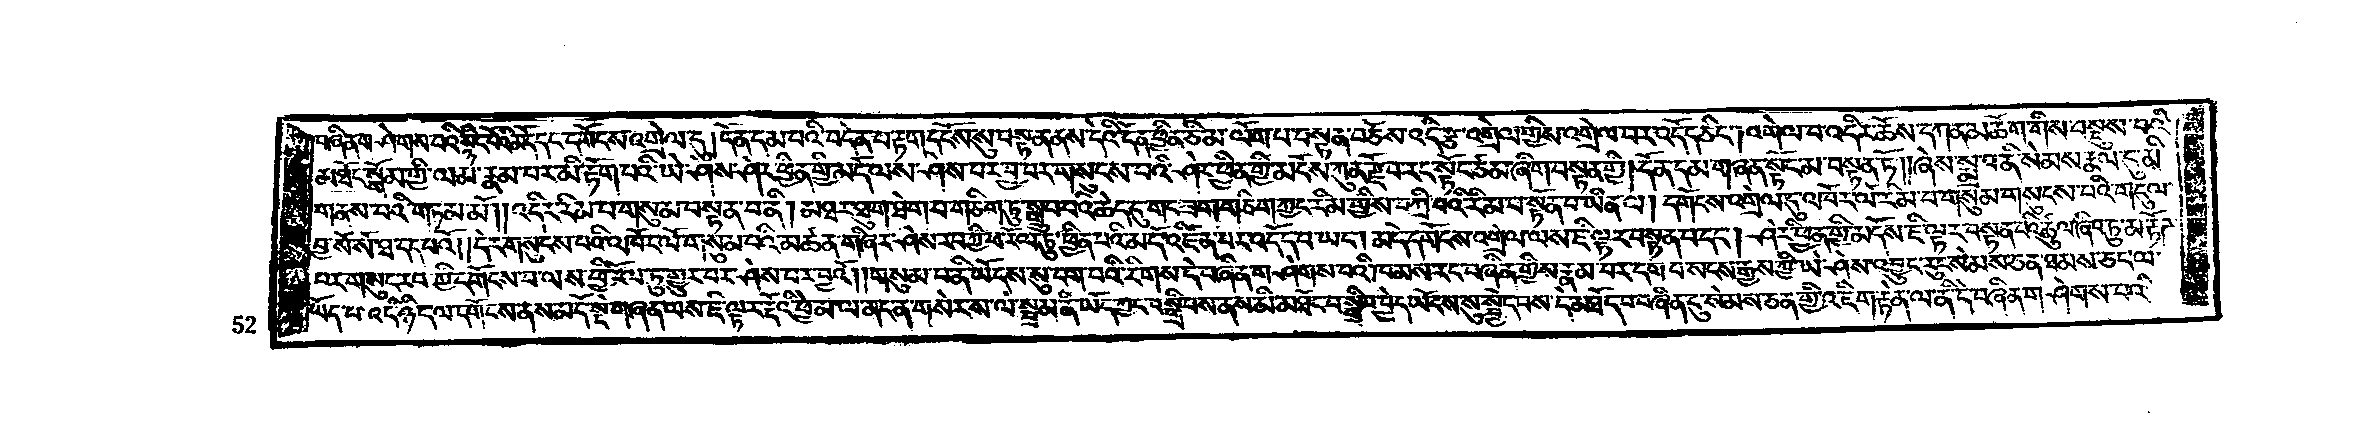བཞིན་གཤེགས་པའི་སྙིང་པོའི་མདོ་དང་དགོངས་འགྲེལ་དུ། དོན་དམ་པའི་བདེན་པ་རྟག་དངོས་སུ་བསྟན་ནས་དེའི་དོན་ཕྱིན་ཅི་མ་ལོག་པ་བསྟན་བཅོས་འདི་རྩ་འགྲེལ་གྱིས་འགྲེལ་པར་འདོད་ཅིང་། འགྲེལ་པ་འདི་ཆོས་དཀོན་མཆོག་གིས་བསྡུས་པའི་
མཐོང་སྒོམ་གྱི་ལམ་རྣམ་པར་མི་རྟོག་པའི་ཡེ་ཤེས་ཤེར་ཕྱིན་གྱི་མདོ་ལས་ཤེས་པར་བྱ་བར་གསུངས་པའི་ཤེར་ཕྱིན་གྱི་མདོས་ཀུན་རྫོབ་རང་སྟོང་ཙམ་ཞིག་བསྟན་གྱི། དོན་དམ་གཞན་སྟོང་མ་བསྟན་ཏོ། །ཞེས་སྨྲ་བ་ནི་སེམས་རྣལ་དུ་མི་
གནས་པའི་གཏམ་མོ། །འདིར་རིམ་པ་གསུམ་བསྟན་པ་ནི། མཐར་ཐུག་ཐེག་པ་གཅིག་ཏུ་སྒྲུབ་པའི་ཆེད་དུ་གང་ཟག་གཅིག་ཀྱང་རིམ་གྱིས་བཀྲི་བའི་རིམ་པ་སྟོན་པ་ཡིན་ལ། དགོངས་འགྲེལ་དུ་འཁོར་ལོ་རིམ་པ་གསུམ་གསུངས་པའི་གདུལ་
བྱ་སོ་སོ་ཐ་དད་པའོ། །དེར་གསུངས་པའི་འཁོར་ལོ་གསུམ་པའི་མཚན་གཞིར་ཤེས་རབ་ཀྱི་ཕ་རོལ་ཏུ་ཕྱིན་པའི་མདོ་འཛིན་པར་འདོད་པ་ཡང་། མདོ་དགོངས་འགྲེལ་ལས་ཇི་ལྟར་བསྟན་པ་དང་། ཤེར་ཕྱིན་གྱི་མདོས་ཇི་ལྟར་བསྟན་པའི་ཚུལ་ཞིབ་ཏུ་མ་རྟོགས་
པར་གསུང་རབ་ཀྱི་དགོངས་པ་ལས་ཕྱི་རོལ་ཏུ་གྱུར་བར་ཤེས་པར་བྱའོ། །གསུམ་པ་ནི་ཡོངས་སུ་དག་པའི་རིགས་དེ་བཞིན་གཤེགས་པའི་ཁམས་རང་བཞིན་གྱིས་རྣམ་པར་དག་པ་སངས་རྒྱས་ཀྱི་ཡེ་ཤེས་འབྱུང་རུང་སེམས་ཅན་ཐམས་ཅད་ལ་
ཡོད་པ་འདི་ཉིད་ལ་དགོངས་ནས་མདོ་སྡེ་གཞན་ལས་ཇི་ལྟར་རྡོའི་ཕྱེ་མ་ལ་ནང་ན་གསེར་ས་ལེ་སྦྲམ་ནི་ཡོད་ཀྱང་བསྒྲིབས་ནས་མི་མཐོང་བ་སྒྲིབ་བྱེད་ཡོངས་སུ་སྦྱེད་བས་དེ་མཐོང་བ་བཞིན་དུ་སེམས་ཅན་གྱི་འཇིག་རྟེན་ལ་ནི་དེ་བཞིན་གཤེགས་པའི་